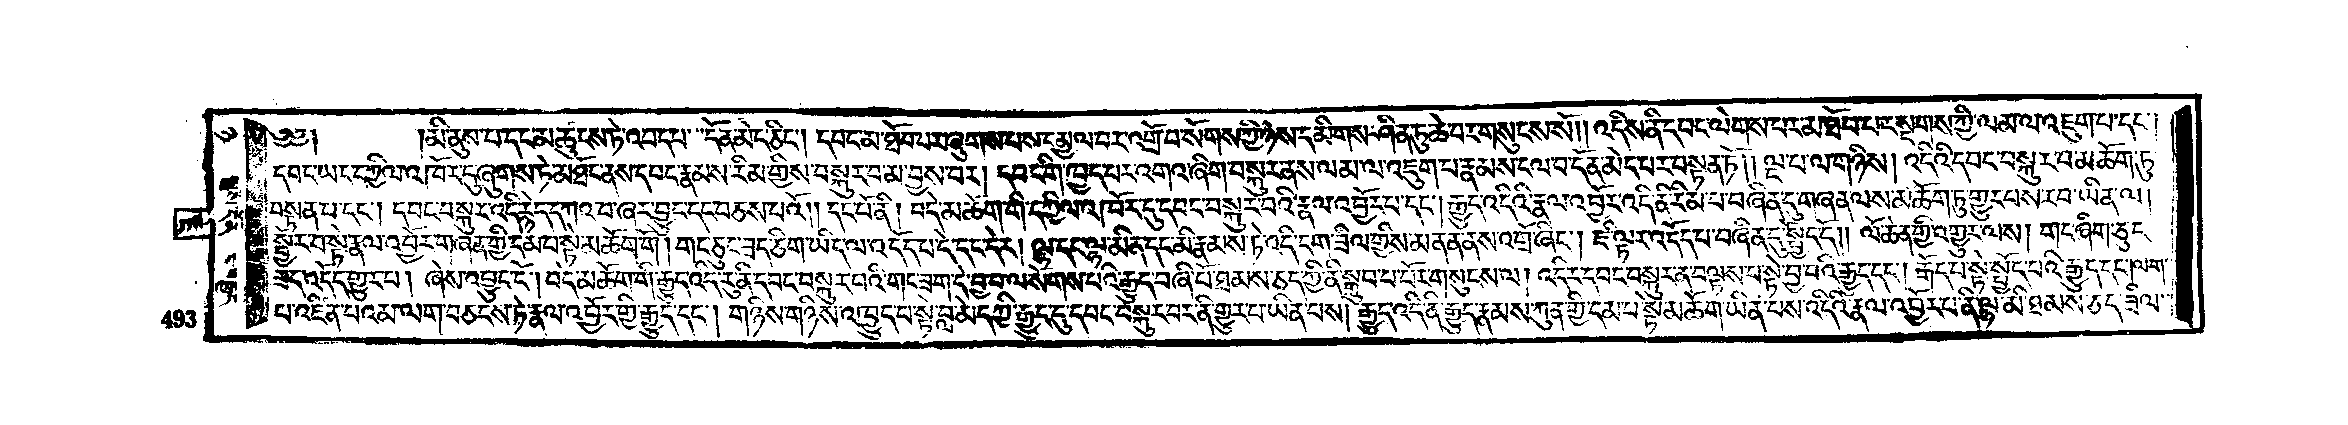༄༅། །མི་ནུས་པ་དང་མཚུངས་ཏེ་འབད་པ་དོན་མེད་ཅིང་། དབང་མ་ཐོབ་པར་ཞུགས་པས་དམྱལ་བར་འགྲོ་བ་སོགས་ཀྱི་ཉེས་དམིགས་ཤིན་ཏུ་ཆེ་བར་གསུངས་སོ། །འདིས་ནི་དབང་ལེགས་པར་མ་ཐོབ་པར་སྔགས་ཀྱི་ལམ་ལ་འཇུག་པ་དང་།
དབང་ཡང་དཀྱིལ་འཁོར་དུ་ཞུགས་ཏེ་མཐོང་ནས་དབང་རྣམས་རིམ་གྱིས་བསྐུར་བ་མ་བྱས་བར། དབང་གི་ཁྱད་པར་འགའ་ཞིག་བསྐུར་ནས་ལམ་ལ་འཇུག་པ་རྣམས་ངལ་བ་དོན་མེད་པར་བསྟན་ཏོ། །ལྔ་པ་ལ་གཉིས། འདིའི་དབང་བསྐུར་བ་མཆོག་ཏུ་
བསྟན་པ་དང་། དབང་བསྐུར་འདི་རྙེད་དཀའ་བ་ཞར་བྱུང་དང་བཅས་པའོ། །དང་པོ་ནི། བདེ་མཆོག་གི་དཀྱིལ་འཁོར་དུ་དབང་བསྐུར་བའི་རྣལ་འབྱོར་པ་དང་། རྒྱུད་འདིའི་རྣལ་འབྱོར་འདི་ནི་རིམ་པ་བཞིན་དུ་གཞན་ལས་མཆོག་ཏུ་གྱུར་པས་རབ་ཡིན་ལ།
སྦྱོར་བ་སྟེ་རྣལ་འབྱོར་གཞན་གྱི་དམ་པ་སྟེ་མཆོག་གོ །གང་ཅུང་ཟད་ཅིག་ཡིད་ལ་འདོད་པ་དེ་དང་དེར། ལྷ་དང་ལྷ་མིན་དང་མི་རྣམས་ཏེ་འདི་དག་ཟིལ་གྱིས་མནན་ནས་འགྲོ་ཞིང་། ཇི་ལྟར་འདོད་པ་བཞིན་དུ་སྤྱོད་དོ། །ལོ་ཆེན་གྱི་འགྱུར་ལས། གང་ཞིག་ཅུང་
ཟད་འདོད་གྱུར་པ། ཞེས་འབྱུང་ངོ། བདེ་མཆོག་གི་རྒྱུད་འདི་རུ་ནི་དབང་བསྐུར་བའི་གང་ཟག་དེ་བྱ་བ་ལ་སོགས་པའི་རྒྱུད་བཞི་པོ་ཐམས་ཅད་ཀྱི་ནི་སྒྲུབ་པ་པོར་གསུངས་ལ། འདིར་དབང་བསྐུར་ན་བལྟས་པ་སྟེ་བྱ་བའི་རྒྱུད་དང་། རྒོད་པ་སྟེ་སྤྱོད་པའི་རྒྱུད་དང་། ལག་
པ་འཛིན་པའམ་ལག་བཅངས་ཏེ་རྣལ་འབྱོར་གྱི་རྒྱུད་དང་། གཉིས་གཉིས་འཁྱུད་པ་སྟེ་བླ་མེད་ཀྱི་རྒྱུད་དུ་དབང་བསྐུར་བར་ནི་གྱུར་པ་ཡིན་པས། རྒྱུད་འདི་ནི་རྒྱུད་རྣམས་ཀུན་གྱི་དམ་པ་སྟེ་མཆོག་ཡིན་པས་འདིའི་རྣལ་འབྱོར་པ་ནི་ལྷ་མི་ཐམས་ཅད་ཟིལ་